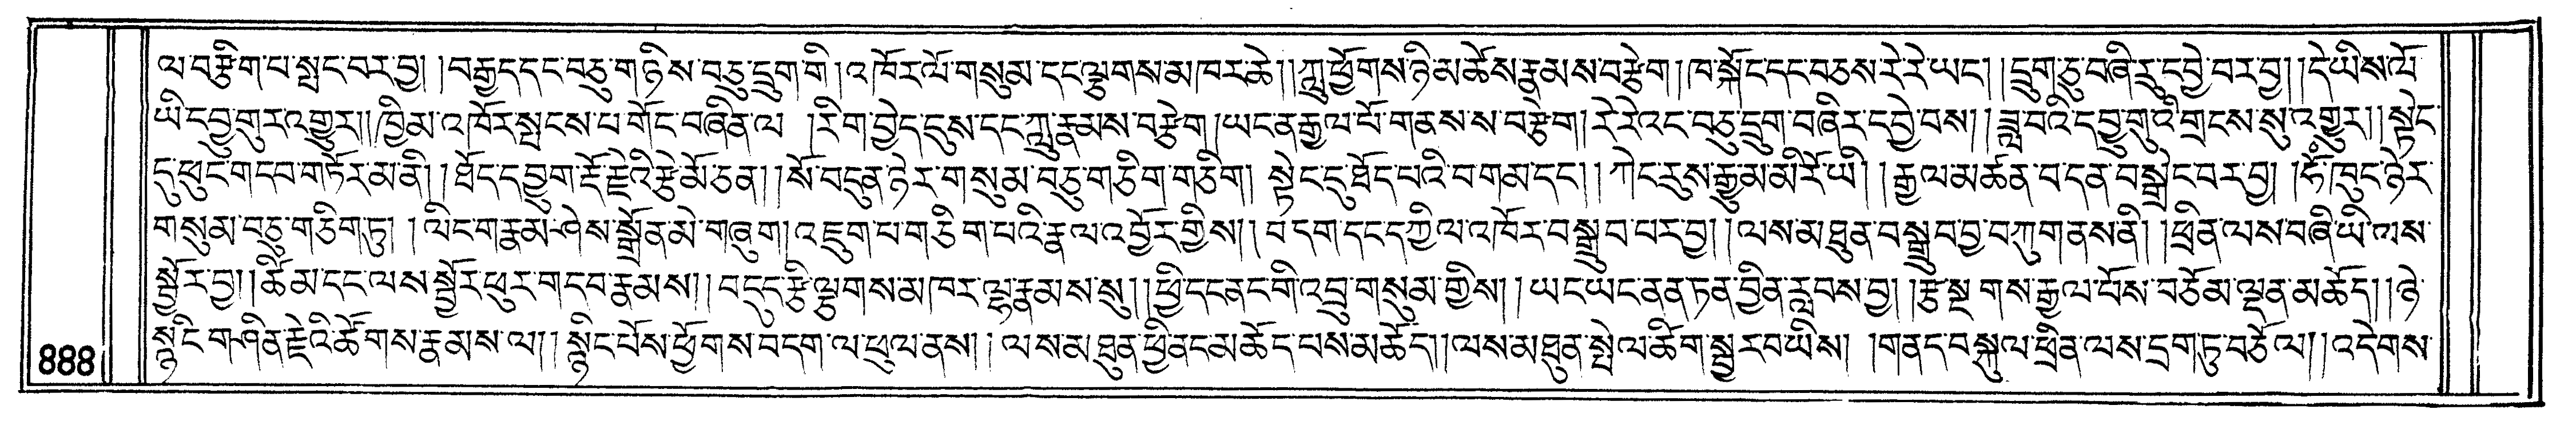ལ་བརྩིག་པ་སྤང་བར་བྱ། །བརྒྱད་དང་བཅུ་གཉིས་བཅུ་དྲུག་གི །འཁོར་ལོ་གསུམ་དང་ལྕགས་མཁར་ཆེ། །ཀླུ་ཕྱོགས་ཉི་མ་ཚེས་རྣམས་བརྩེག །ཁ་སྐོང་དང་བཅས་རེ་རེ་ཡང་། །དྲུག་ཅུ་བཞི་རུ་དབྱེ་བར་བྱ། །དེ་ཡིས་ལོ་
ཡི་དབྱུ་གུར་འགྱུར། །ཁྱིམ་འཁོར་སྤངས་པ་གོང་བཞིན་ལ་།རིག་བྱེད་དུས་དང་ཀླུ་རྣམས་བརྩེག །ཡང་ན་རྒྱལ་པོ་གནས་ས་བརྩེག །རེ་རེའང་བཅུ་དྲུག་བཞིར་དབྱེ་བས། །ཟླ་བའི་དབྱུ་གུའི་གྲངས་སུ་འགྱུར། །སྟེང་
དུ་ཕུང་གདབ་གཏོར་མ་ནི། །ཐོད་དབྱུག་རྡོ་རྗེའི་རྩེ་མོ་ཅན། །སོ་བདུན་ཉེར་གསུམ་བཅུ་གཅིག་གཅིག །སྟེང་དུ་ཐོད་པའི་བ་གམ་དང་། །ཀེང་རུས་རྒྱུ་མ་མི་རོ་ཡི། །རྒྱལ་མཚན་བ་དན་བསྒྲེང་བར་བྱ། །ཧོཾ་ཁུང་ཉེར་
གསུམ་བཅུ་གཅིག་ཏུ། །ལིང་ག་རྣམ་ཤེས་སྒྲོན་མེ་གཞུག །འཇུག་པ་གཅིག་པའི་རྣལ་འབྱོར་གྱིས། །བདག་དང་དཀྱིལ་འཁོར་བསྒྲུབ་པར་བྱ། །ལས་མཐུན་བསྒྲུབ་བྱ་བཀུག་ནས་ནི། །ཕྲིན་ལས་བཞི་ཡི་ལས་
སྦྱོར་བྱ། །ཚིམ་དང་ལས་སྦྱོར་ཕུར་གདབ་རྣམས། །བདུད་རྩི་ལྕགས་མཁར་ལྷ་རྣམས་སུ། །ཕྱི་དང་ནང་གི་འབྲུ་གསུམ་གྱིས། །ཡང་ཡང་ནན་ཏན་བྱིན་རླབས་བྱ། །རྩ་སྔགས་རྒྱལ་པོས་བཅོམ་ལྡན་མཆོད། །ཉེ་
སྙིང་གཤིན་རྗེའི་ཚོགས་རྣམས་ལ། །སྙིང་པོས་ཕྱོགས་བདག་ལ་ཕུལ་ནས། །ལས་མཐུན་ཕྱི་ནང་མཆོད་པས་མཆོད། །ལས་མཐུན་སྤེལ་ཚིག་སྦྱར་བ་ཡིས། །གནད་བསྐུལ་ཕྲིན་ལས་དྲག་ཏུ་བཅོལ། །འདེགས་